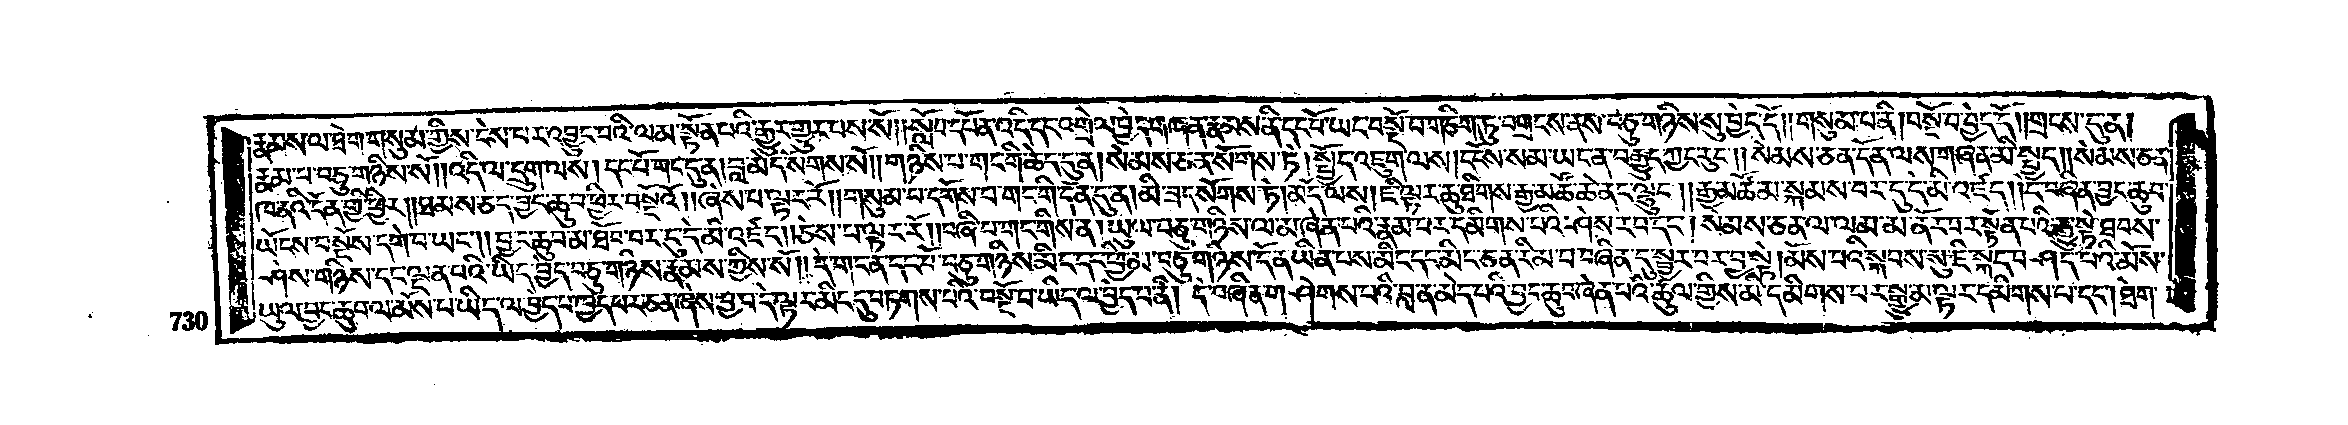རྣམས་ལ་ཐེག་གསུམ་གྱིས་ངེས་པར་འབྱུང་བའི་ལམ་སྟོན་པའི་རྒྱུར་གྱུར་པས་སོ། །སློབ་དཔོན་འདི་དང་འགྲེལ་བྱེད་གཞན་རྣམས་ནི་དང་པོ་ཡང་བསྔོ་བ་གཅིག་ཏུ་བགྲངས་ནས་བཅུ་གཉིས་སུ་བྱེད་དོ། །གསུམ་པ་ནི། བསྔོ་བ་བྱེད་དོ། །གྲངས་དུ་ན།
རྣམ་པ་བཅུ་གཉིས་སོ། །འདི་ལ་དྲུག་ལས། དང་པོ་གང་དུ་ན། བླ་མེད་སོགས་སོ། །གཉིས་པ་གང་གི་ཆེད་དུ་ན། སེམས་ཅན་སོགས་ཏེ། སྤྱོད་འཇུག་ལས། དངོས་སམ་ཡང་ན་བརྒྱུད་ཀྱང་རུང་། །སེམས་ཅན་དོན་ལས་གཞན་མི་སྤྱད། །སེམས་ཅན་
ཁོ་ནའི་དོན་གྱི་ཕྱིར། །ཐམས་ཅད་བྱང་ཆུབ་ཕྱིར་བསྔོའོ། །ཞེས་པ་ལྟར་རོ། །གསུམ་པ་དགོས་པ་གང་གི་དོན་དུ་ན། མི་ཟད་སོགས་ཏེ། མདོ་ལས། ཇི་ལྟར་ཆུ་ཐིགས་རྒྱ་མཚོ་ཆེ་ནང་ལྷུང་། །རྒྱ་མཚོ་མ་སྐམས་བར་དུ་དེ་མི་འཛད། །དེ་བཞིན་བྱང་ཆུབ་
ཡོངས་བསྔོས་དགེ་བ་ཡང་། །བྱང་ཆུབ་མ་ཐོབ་བར་དུ་དེ་མི་འཛད། །ཅེས་པ་ལྟར་རོ། །བཞི་པ་གང་གིས་ན། ཡུལ་བཅུ་གཉིས་ལ་མ་ཞེན་པའི་རྣམ་པར་དམིགས་པའི་ཤེས་རབ་དང་། སེམས་ཅན་ལ་ལམ་མ་ནོར་བར་སྟོན་པའི་རྒྱུ་སྟེ་ཐབས་
ཤེས་གཉིས་དང་ལྡན་པའི་ཡིད་བྱེད་བཅུ་གཉིས་རྣམས་ཀྱིས་སོ། །དེ་གང་ན་དང་པོ་བཅུ་གཉིས་མིང་དང་ཕྱི་མ་བཅུ་གཉིས་དོན་ཡིན་པས་མིང་དང་མིང་ཅན་རིམ་པ་བཞིན་དུ་སྦྱར་བར་བྱ་སྟེ། མོས་པའི་སྐབས་སུ་ཇི་སྐད་བཤད་པའི་མོས་
ཡུལ་བྱང་ཆུབ་ལ་མོས་པ་ཡིད་ལ་བྱེད་པ་ཁྱད་པར་ཅན་ཞེས་བྱ་བ་དེ་ལྟར་མིང་དུ་བཏགས་པའི་བསྔོ་བ་ཡིད་ལ་བྱེད་པ་ནི། དེ་བཞིན་གཤེགས་པའི་བླ་ན་མེད་པའི་བྱང་ཆུབ་ཞེན་པའི་ཚུལ་གྱིས་མི་དམིགས་པར་སྒྱུ་མ་ལྟར་དམིགས་པ་དང་། ཐེག་